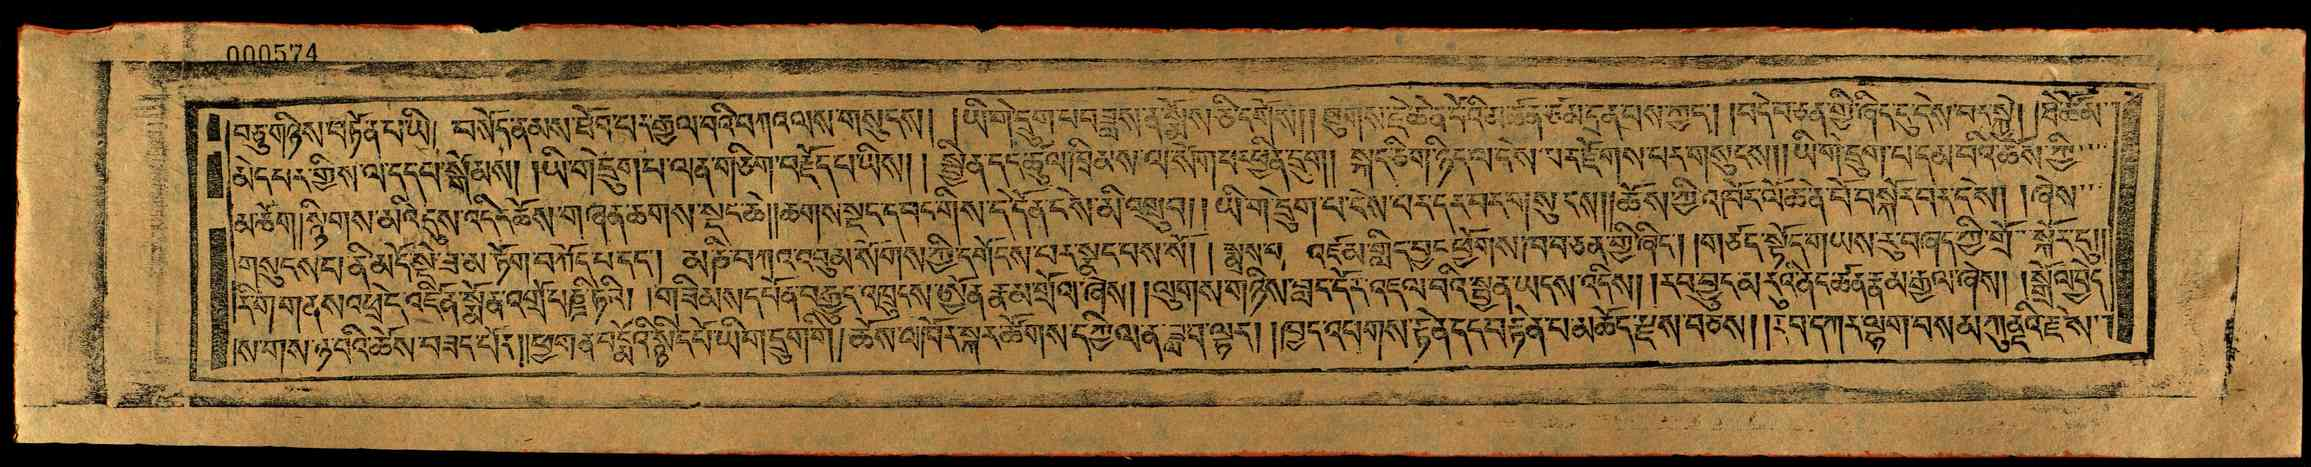བཅུ་གཉིས་བཏོན་པ་ཡི། །བསོད་ནམས་ཐོབ་པར་རྒྱལ་བའི་བཀའ་ལས་གསུངས། །ཡི་གེ་དྲུག་པ་བཟླས་ན་སྨོས་ཅི་དགོས། །ཐུགས་རྗེ་ཆེན་པོའི་མཚན་ཙམ་དྲན་པས་ཀྱང་། །བདེ་བ་ཅན་གྱི་ཞིང་དུ་ངེས་པར་སྐྱེ། །ཐེ་ཚོམ་
མེད་པར་གྱིས་ལ་དད་པ་སྒོམས། །ཡི་གེ་དྲུག་པ་ལན་གཅིག་བརྗོད་པ་ཡིས། །སྦྱིན་དང་ཚུལ་ཁྲིམས་ལ་སོགས་ཕར་ཕྱིན་དྲུག། །སྐད་ཅིག་ཉིད་ལ་ངེས་པར་རྫོགས་པར་གསུངས། །ཡི་གེ་དྲུག་པ་དམ་པའི་ཆོས་ཀྱི་
མཆོག །སྙིགས་མའི་དུས་འདིར་ཆོས་གཞན་ཆགས་སྡང་ཆེ། །ཆགས་སྡང་དབང་གིས་དེ་དོན་ཕེས་མི་འགྲུབ། །ཡི་གེ་དྲུག་པ་ངེས་པར་དར་བར་གསུངས། །ཆོས་ཀྱི་འཁོར་ལོ་ཆེན་པོ་བསྐོར་བར་ངེས། །ཞེས་
གསུངས་པ་ནི་མདོ་སྡེ་ཐ་མ་དོག་བཀོད་པ་དང་། མ་ཎི་བཀའ་འབུམ་སོགས་ཀྱི་དགོངས་པེར་སྣང་བས་སོ། །སྨྲས་པ། འཛམ་གླིང་བྱང་ཕྱོགས་ཁ་བ་ཅན་གྱི་ཞིང་། །གཙང་སྟོད་གཡས་ཏུ་བཞད་ཀྱི་གྲོ་་་སྐོར་དུ།།
རིག་གནས་འཕྲེང་འཛིན་སྨོན་འགྲོ་པཎྜི་ཏའི། །གཟིམས་དཔོན་བརྒྱུད་འཁྲུངས་ཨཡོན་རྣམ་གྲོལ་ཞེས། །ལུགས་གཉིས་བླང་དོར་འཇལ་བའི་སྤྱན་ཡངས་འདིས། །རབ་བྱུང་མ་ནུའི་ནང་ཚན་རྣམ་རྒྱལ་ཞེས། །སྒྲོལ་བྱེད་
སགས་ཉ་བའི་ཚེས་བཟང་པོ། །ཕྱག་ན་པདམོའི་སྙིང་པོ་ཡིག་དྲུག་གི། ཆོས་འཁོར་སྐར་ཚོགས་དཀྱིལ་ན་ཟླ་བ་ལྟར། །ཁྱད་འཕགས་རྟེན་དང་བརྟེན་པ་མཆོད་རྫས་བཅས། །རབ་དཀར་ལྷག་བསམ་ཀུནྡའི་རྗེས་